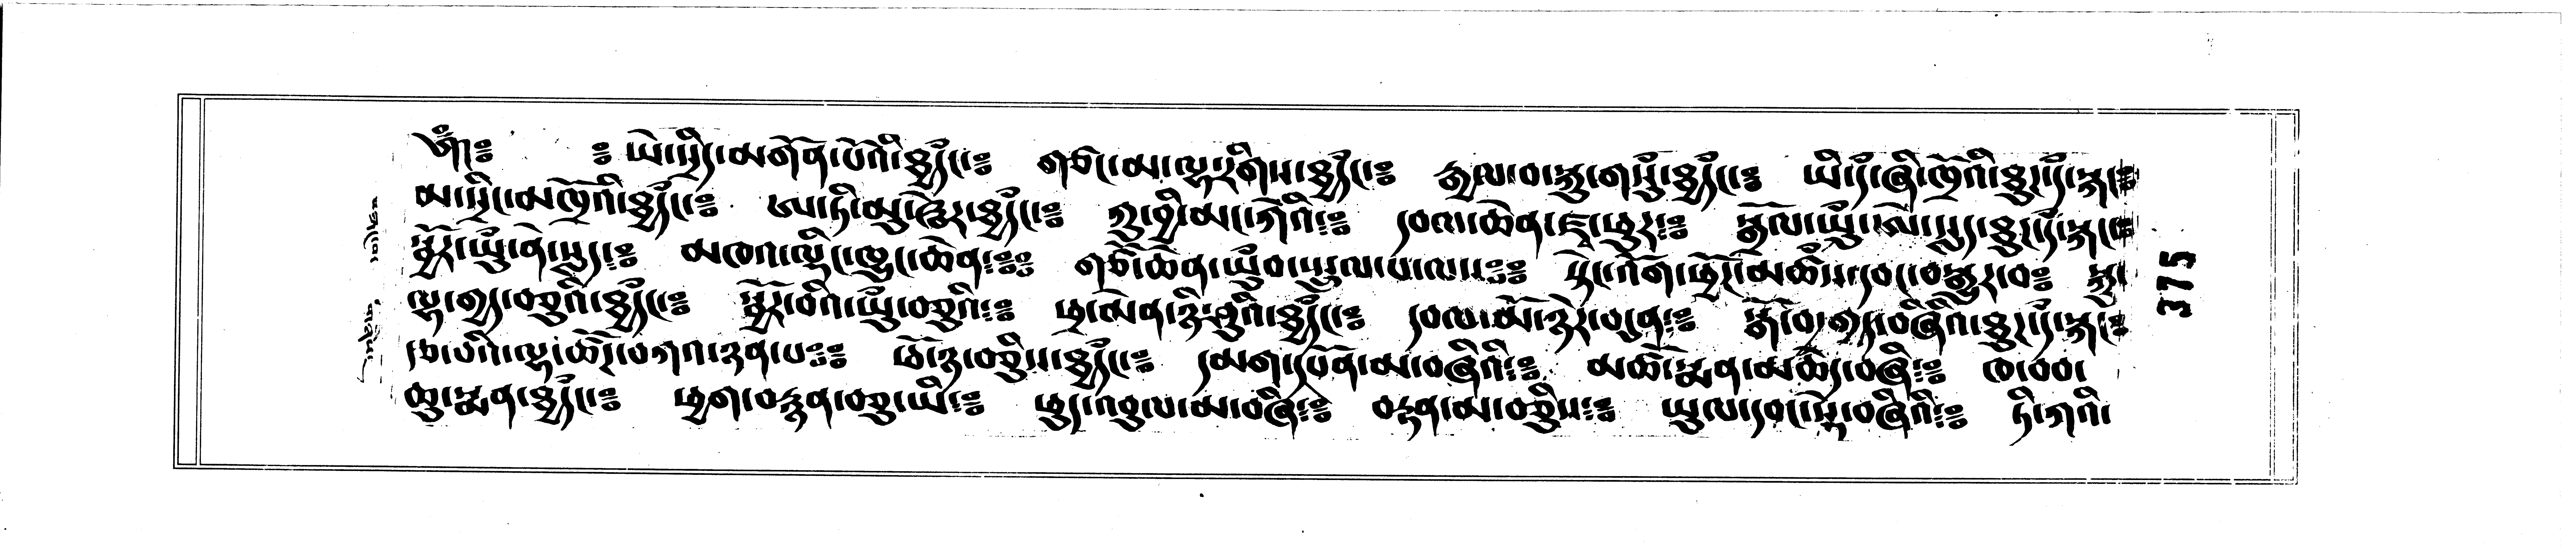༔ཡེ་སྲིད་མགོན་པོའི་ཐུགས་དམ་བསྐང་༔ གཙང་མ་ལྷ་རིགས་ཐུགས་དམ་བསྐང་༔ རྒྱལ་བ་སྐུ་གསུམ་ཐུགས་དམ་བསྐང་༔ ཡི་དམ་ཞི་ཁྲོའི་ཐུགས་དམ་བསྐང་༔ 
མ་སྲིང་མཁྲོའི་ཐུགས་དམ་བསྐང་༔ ཨ་ཏི་མུ་ཝེར་ཐུགས་དམ་བསྐང་༔ ཀུ་བྱི་མང་ཀེའི་ཐུགས་དམ་བསྐང་༔ དབལ་ཆེན་ཛྭ་ཕུར་ཐུགས་དམ་བསྐང་༔ སྒྲོལ་ཡུམ་ཨེ་སླད་ཐུགས་དམ་བསྐང་༔ 
སྦྱོར་ཡུམ་ནེ་སླད་ཐུགས་དམ་བསྐང་༔ མཁའ་ལྡིང་ཁྱུང་ཆེན་ཐུགས་དམ་བསྐང་༔ གཙོ་ཆེན་ཡབ་ཡུམ་སྤྲུལ་པ་ལས༔༔ སྟེང་འོག་ཕྱོགས་མཚམས་དབང་བསྒྱུར་བ༔ སྐུ་
ལྷ་གྱད་བཅུའི་ཐུགས་དམ་བསྐང་༔ སྦྱོར་བའི་ཡུམ་བཅུའི་ཐུགས་དམ་བསྐང་༔ ཕྲ་མེན་ཉི་ཤུའི་ཐུགས་དམ་བསྐང་༔ དབལ་མོ་ཉེར་བདུན་ཐུགས་དམ་བསྐང་༔ སྒོ་བ་གྱད་བཞིའི་ཐུགས་དམ་བསྐང་༔ 
རྩ་བའི་ལྷ་ཚོགས་བཀའ་ཉན་པ༔༔ ཕོ་ཉ་བཅུ་གཉིས་ཐུགས་དམ་བསྐང་༔ དམག་དཔོན་མ་བཞིའི་ཐུགས་དམ་བསྐང་༔ མཚོ་སྨན་མཆེད་བཞི་ཐུགས་དམ་བསྐང་༔ ཁ་བབ་
ཆུ་སྨན་ཐུགས་དམ་བསྐང་༔ ཕྱག་བརྙན་བཅུ་ཡི་ཐུགས་དམ་བསྐང་༔ ཕུད་འབུལ་མ་བཞི་ཐུགས་དམ་བསྐང་༔ བརྟན་མ་བཅུ་གཉིས་ཐུགས་དམ་བསྐང་༔ ཡུལ་དབང་སྡེ་བཞིའི་ཐུགས་དམ་བསྐང་༔ ཏི་ཀའི་